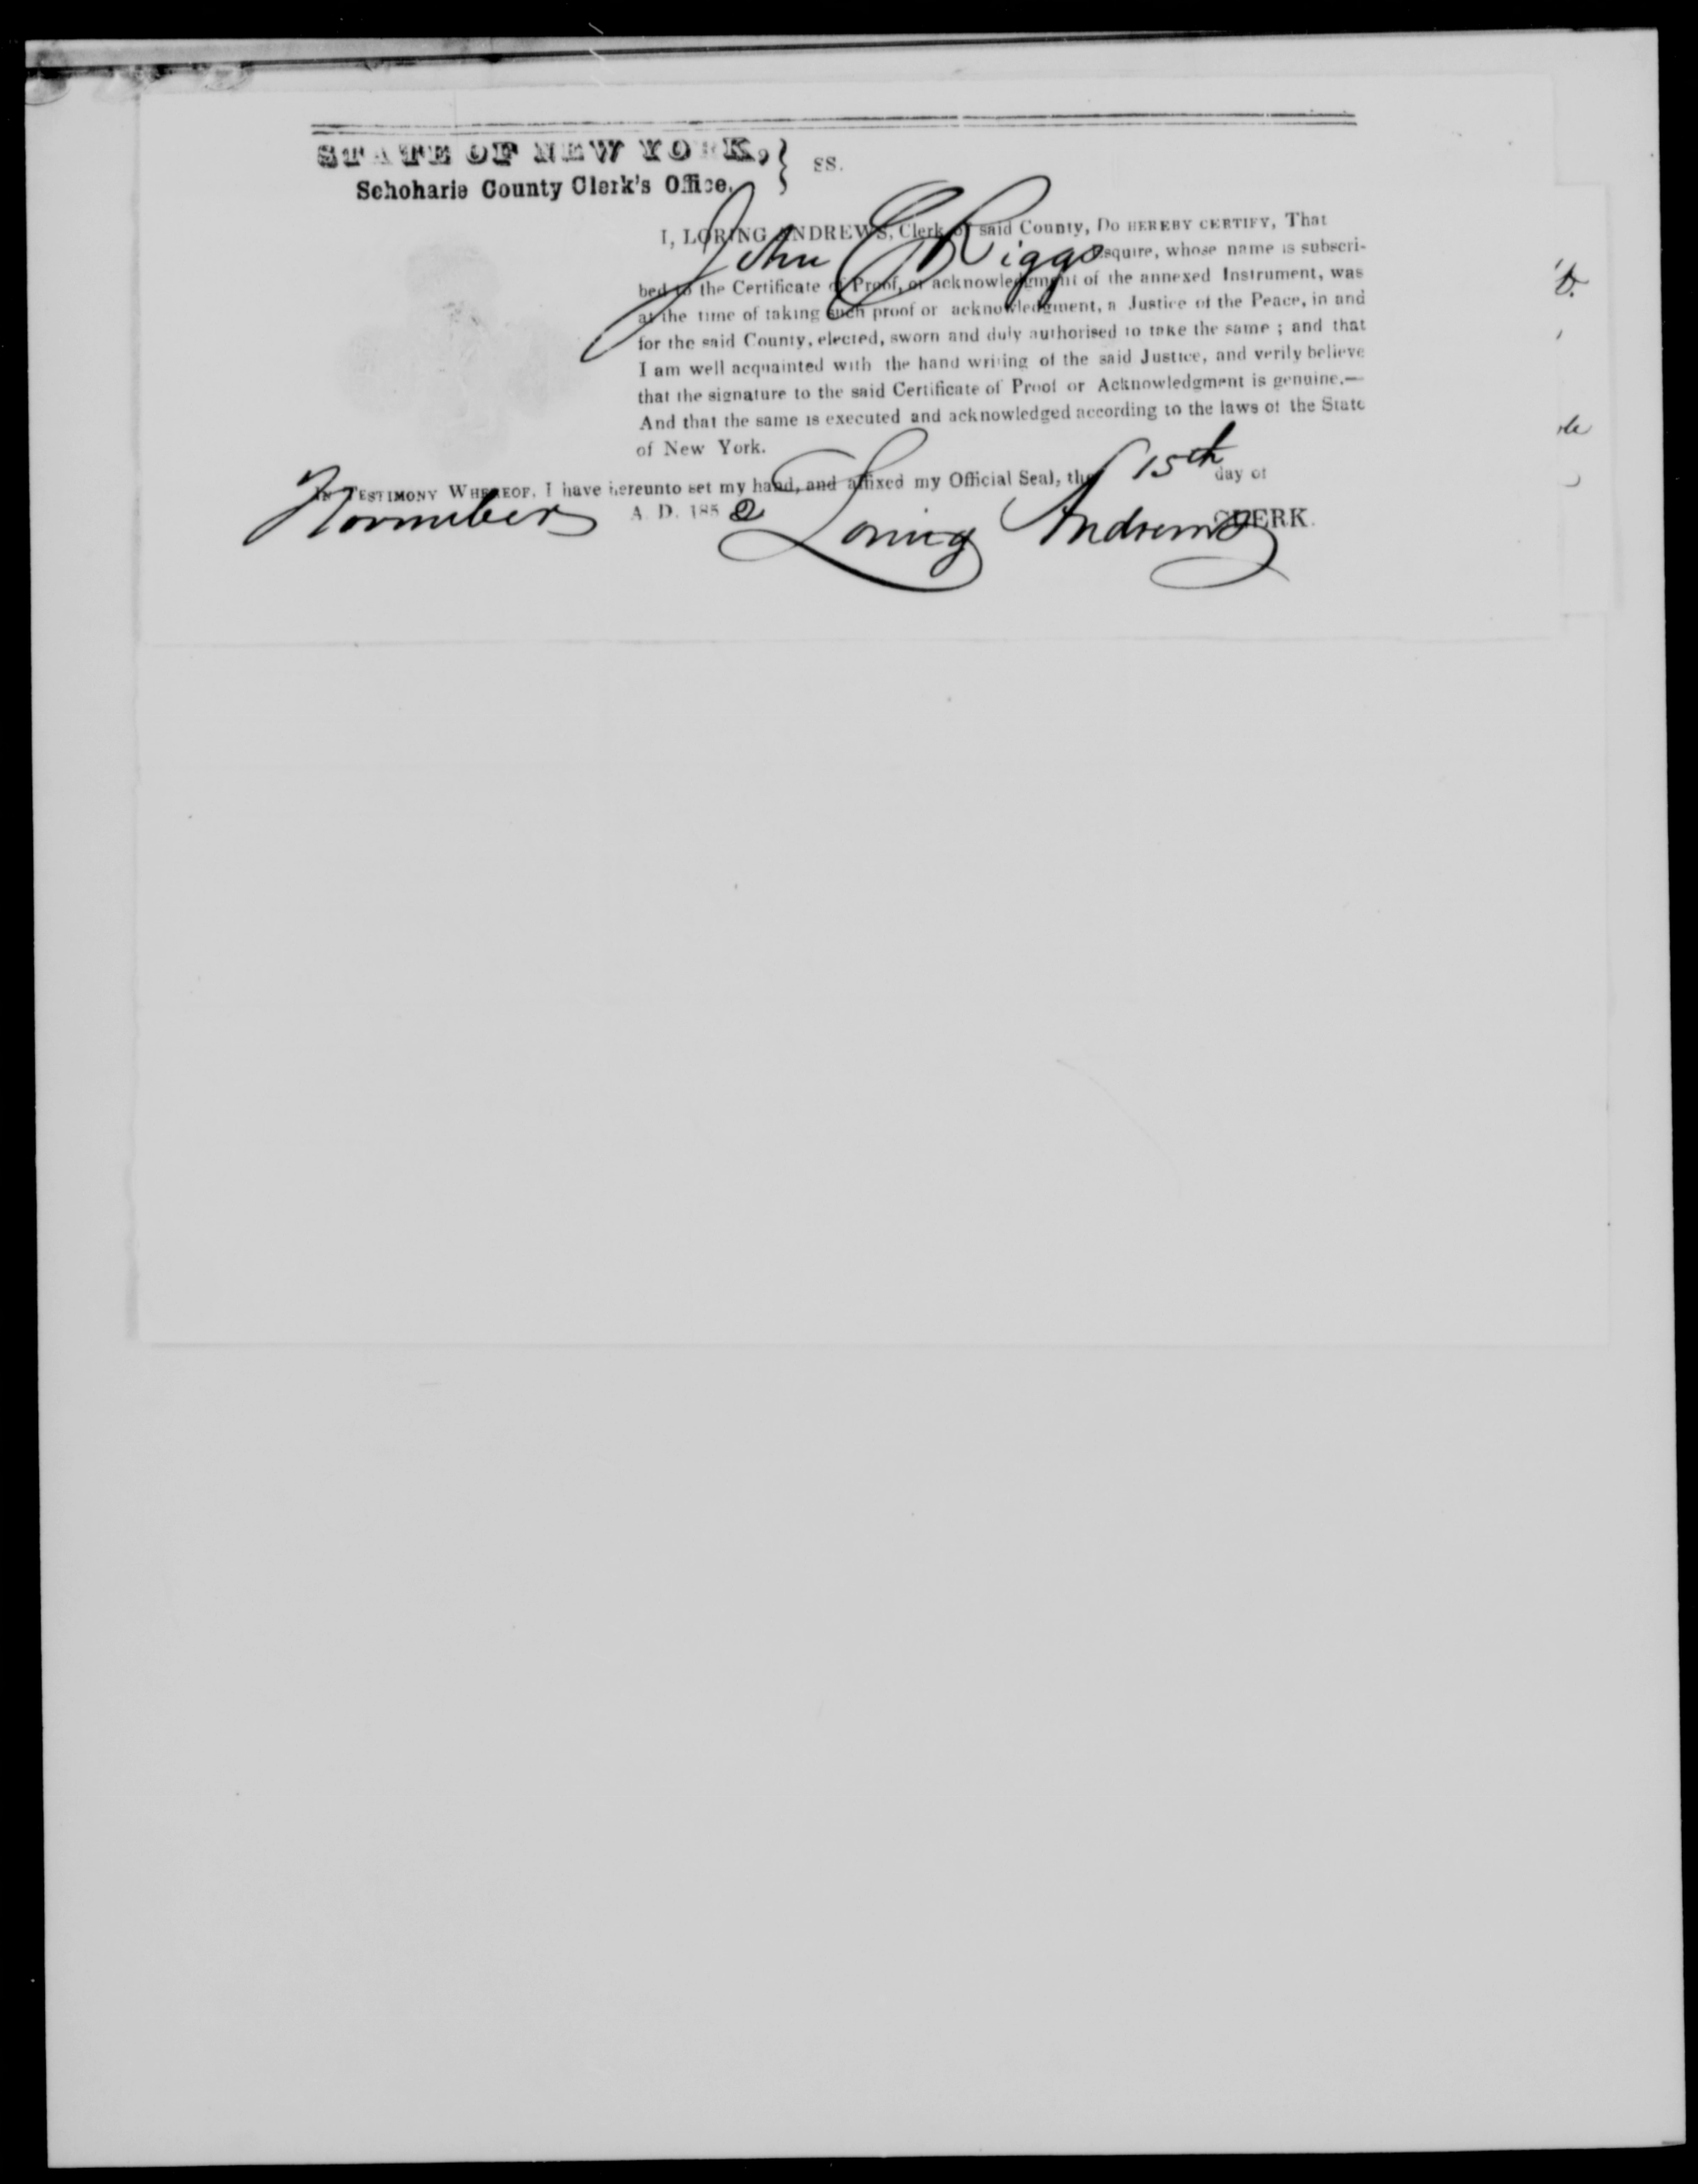County, DO HEREBY CERTIFY, That
swarm of
Schoharie County Clerk's Office
the
Esquire,
I Loring Andrews clerk of said county do cerify that John Riggs , was
whose name is subscribed to the 
Certificate of Proof Packnowl
or acknowledgment, a Justice of the Peace
ance, in and
for the said County, elected, sworn and duly authorised to take the same; and that
I am well acquainted with the hand writing of the said Justice, and verily believe
that the signature to the said Certificate of Proof or Acknowledgment is genuine.
And that the same is executed and acknowledged according to the laws of the State of
New York.
for Wagerer. I have hereunto set my hand at moment of 15th of 
November
A. D. 1852
Loring
Andrews
Clerk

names: John C Riggs, Loring Andrews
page: 54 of 67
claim: widow's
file: W. 7379, George Young, New Jersey